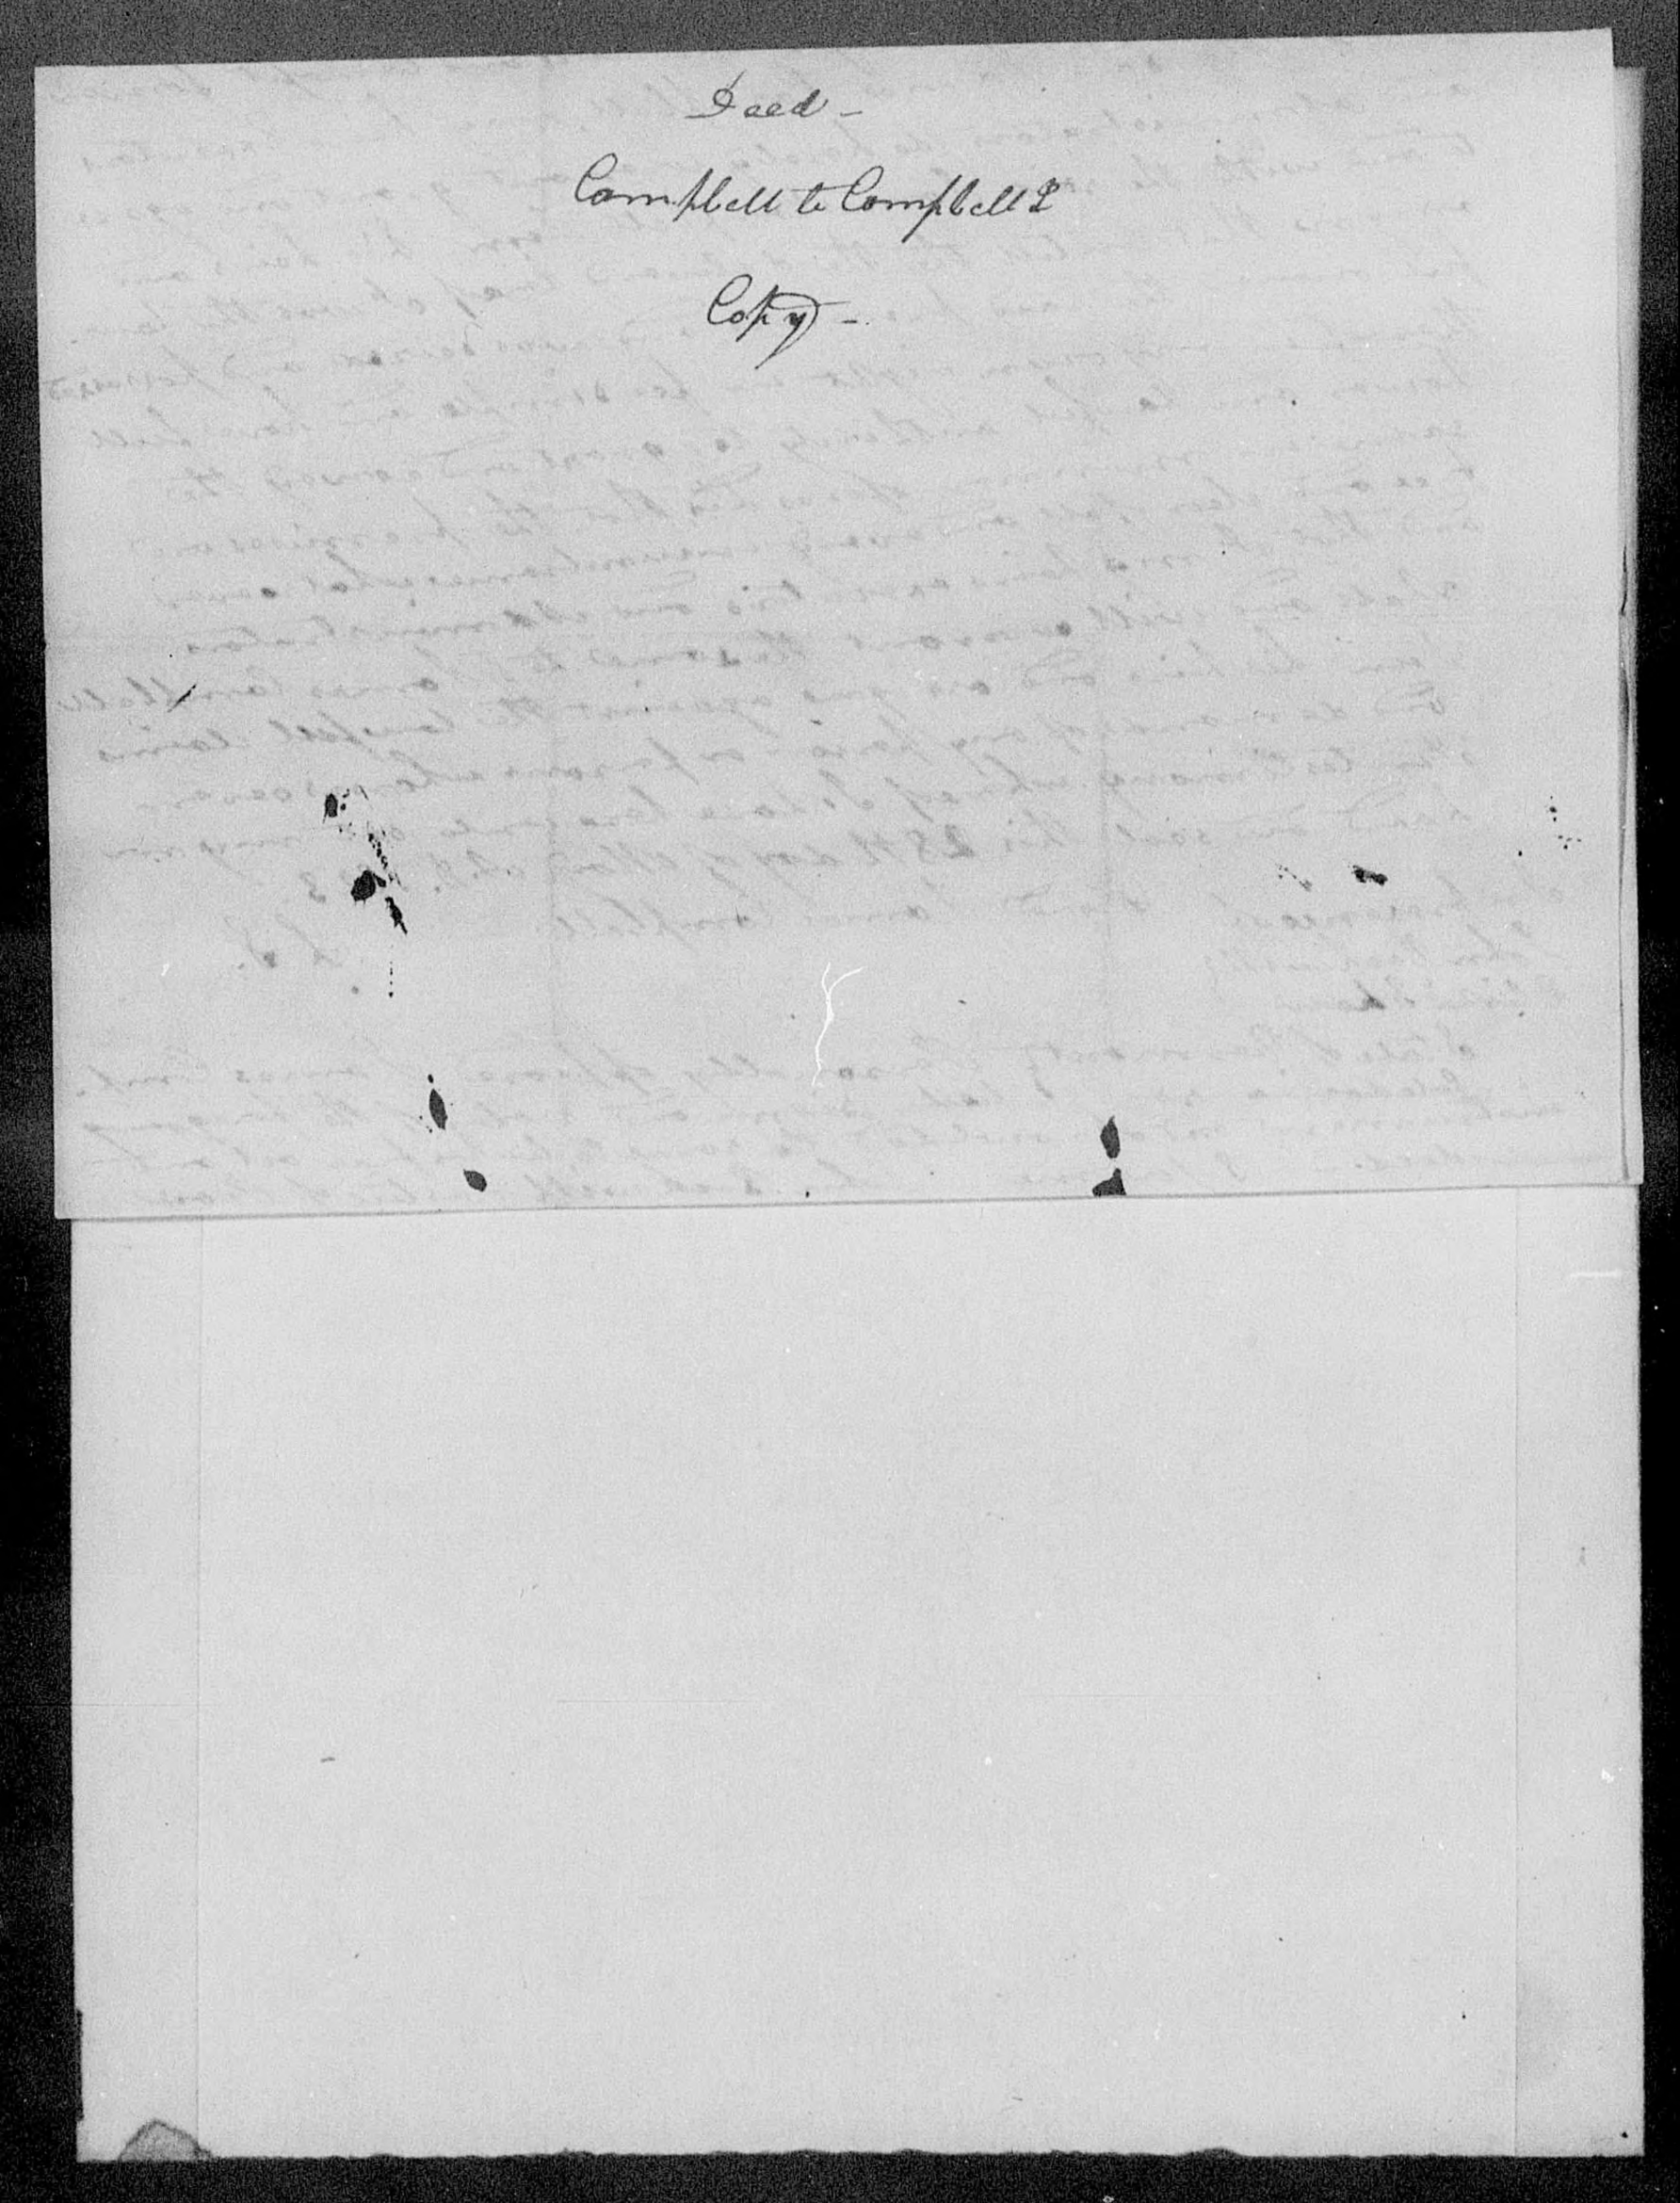Deed -
Campbell to Campbell Jr
Copy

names: Campbell, Campbell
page: 50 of 67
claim: widow's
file: W. 23772, James Campbell, Continental Mass.